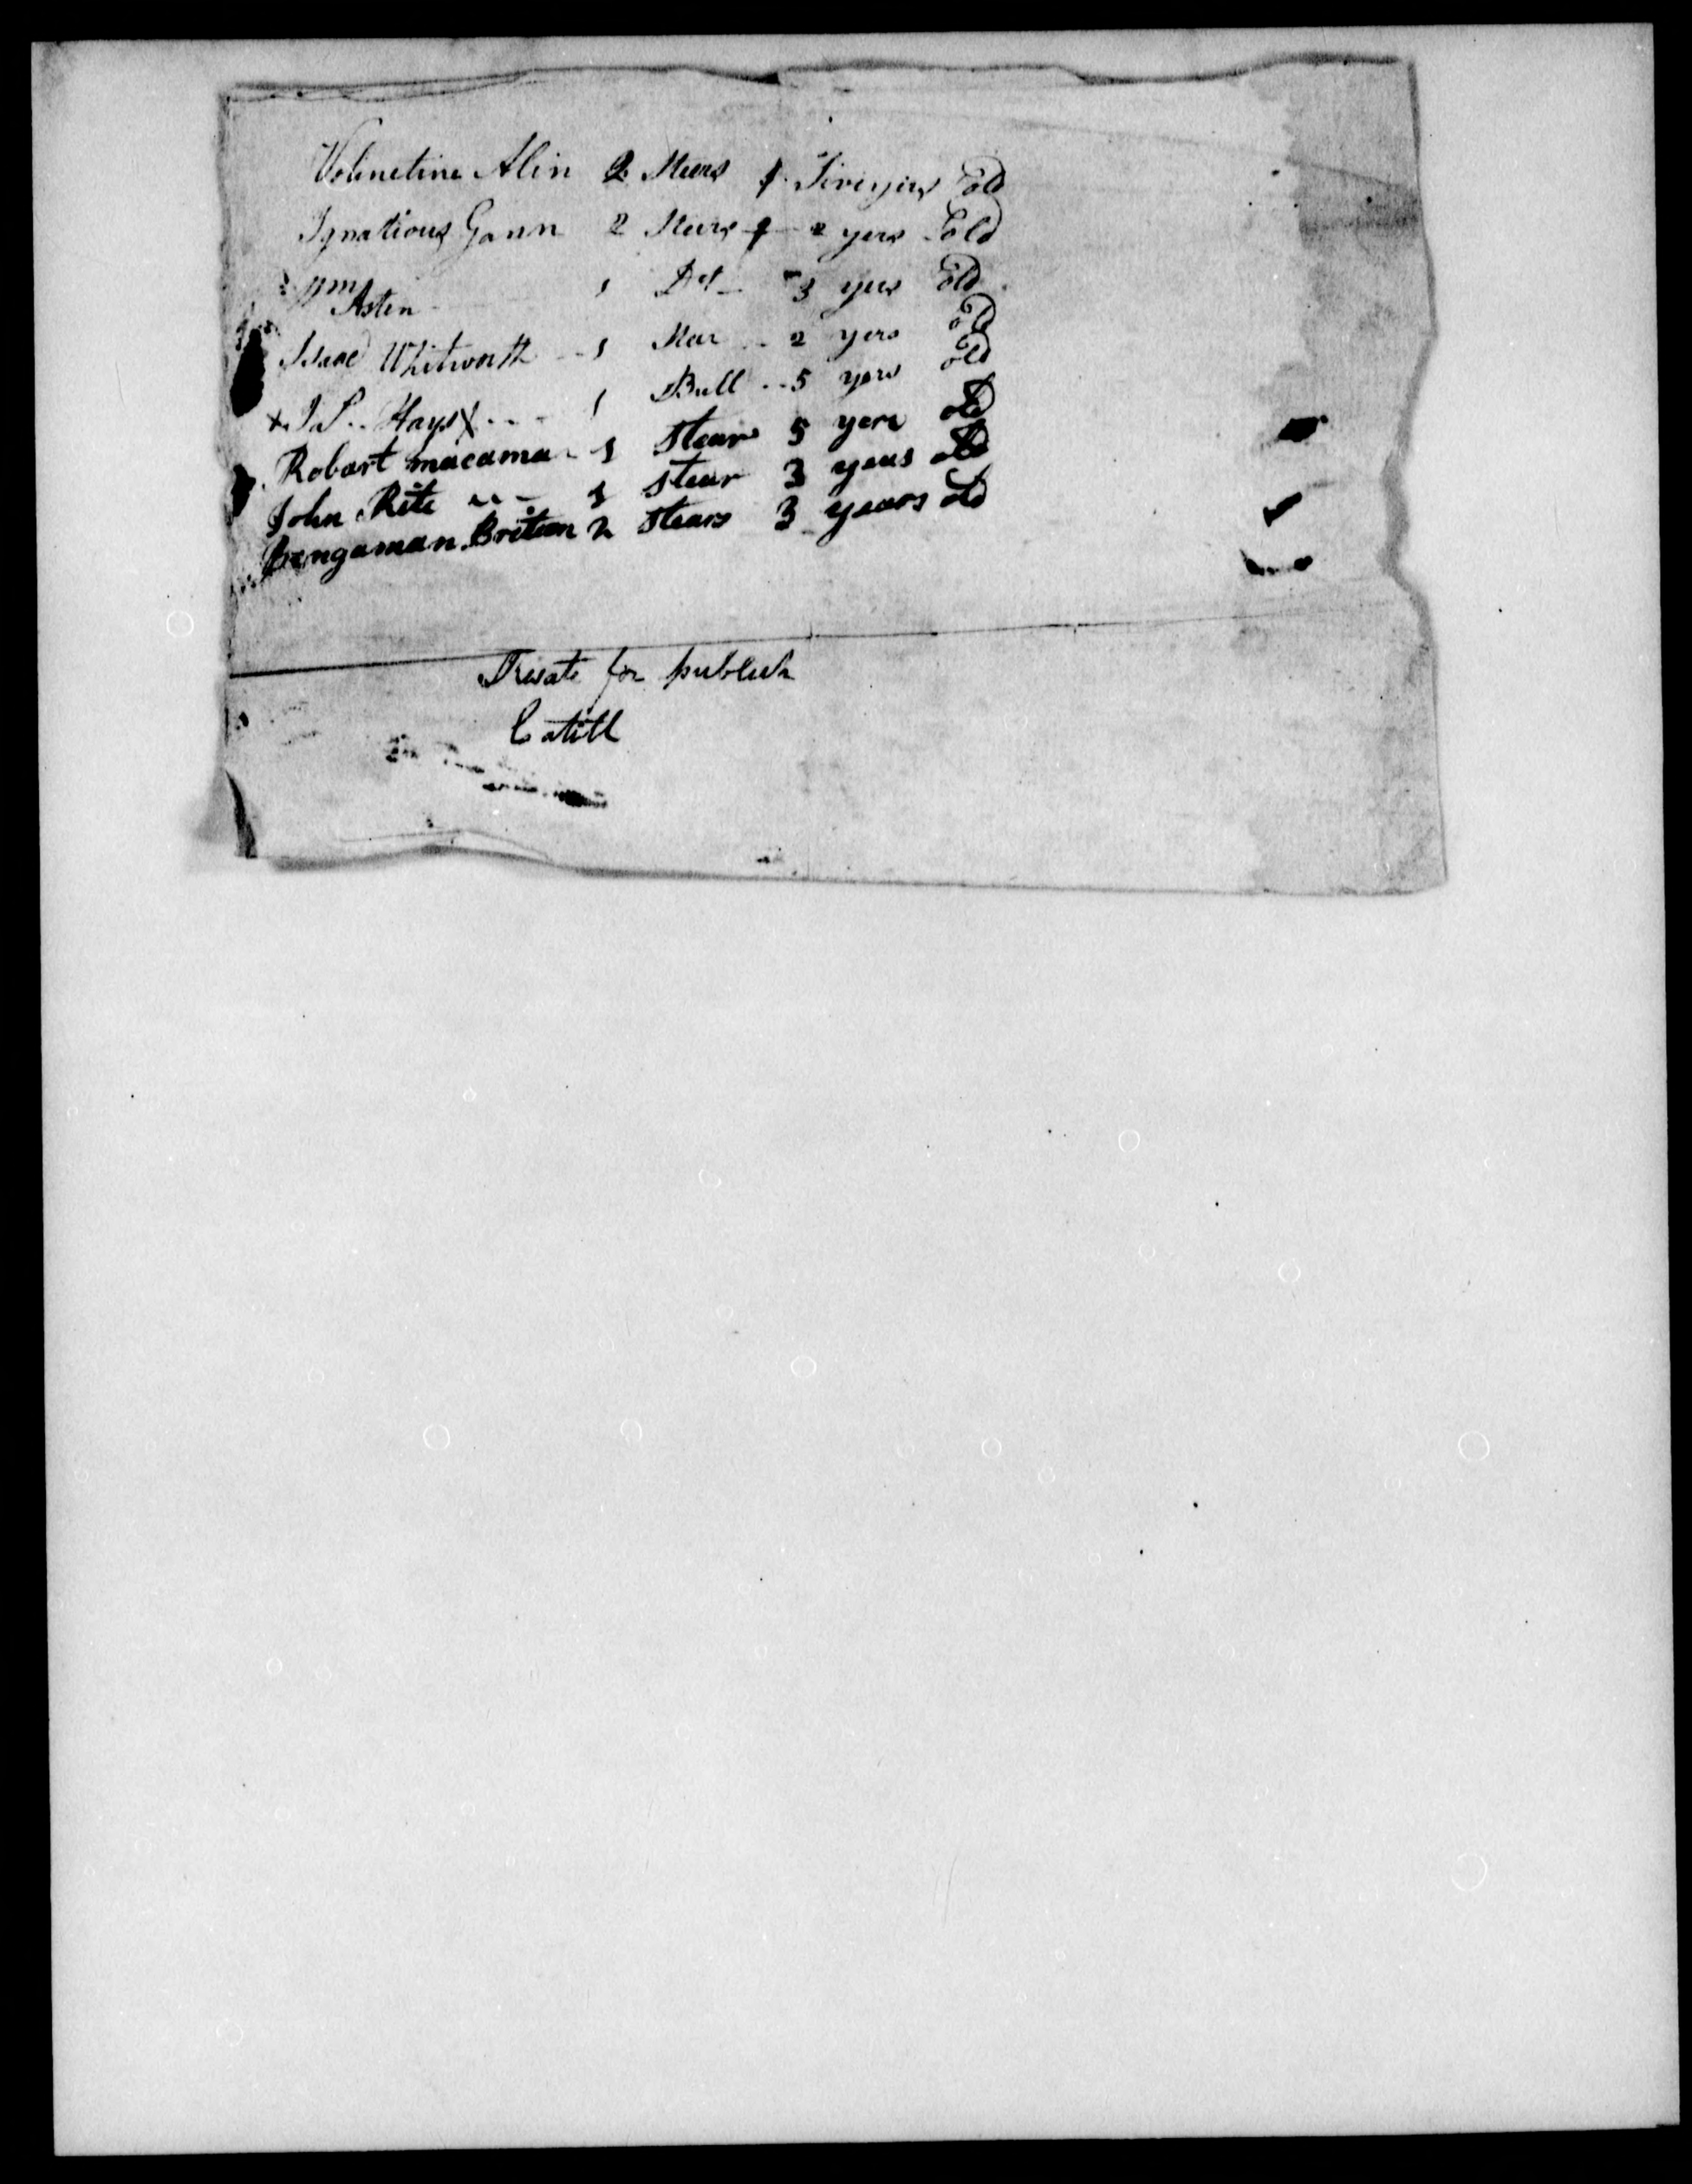Valintine Alin 2 Steers Five years old
Ignatius Gann  2 Steers 2 years old
Wm Astin 1 {mare} 3 years old
Isaac Whitworth  1 Mar 2 years old
Jas Hays  1 Bull 5 years old
Robert  macama 1 Steer 5 years old
John Rite 1 Steer 3 years old
Benjamin Briton  2 Steers 3 years old 

Risate [sic] for publick [sic] Catill [sic]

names: Jas Hays, Ignatious Gann, Isaac Whitworth, Wm Astin, John Rits, Velinetine Allin, Robert Macdonal, Bengaman Boitson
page: 25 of 105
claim: survivor's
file: S. 1883, Richard Vernon, N.C.